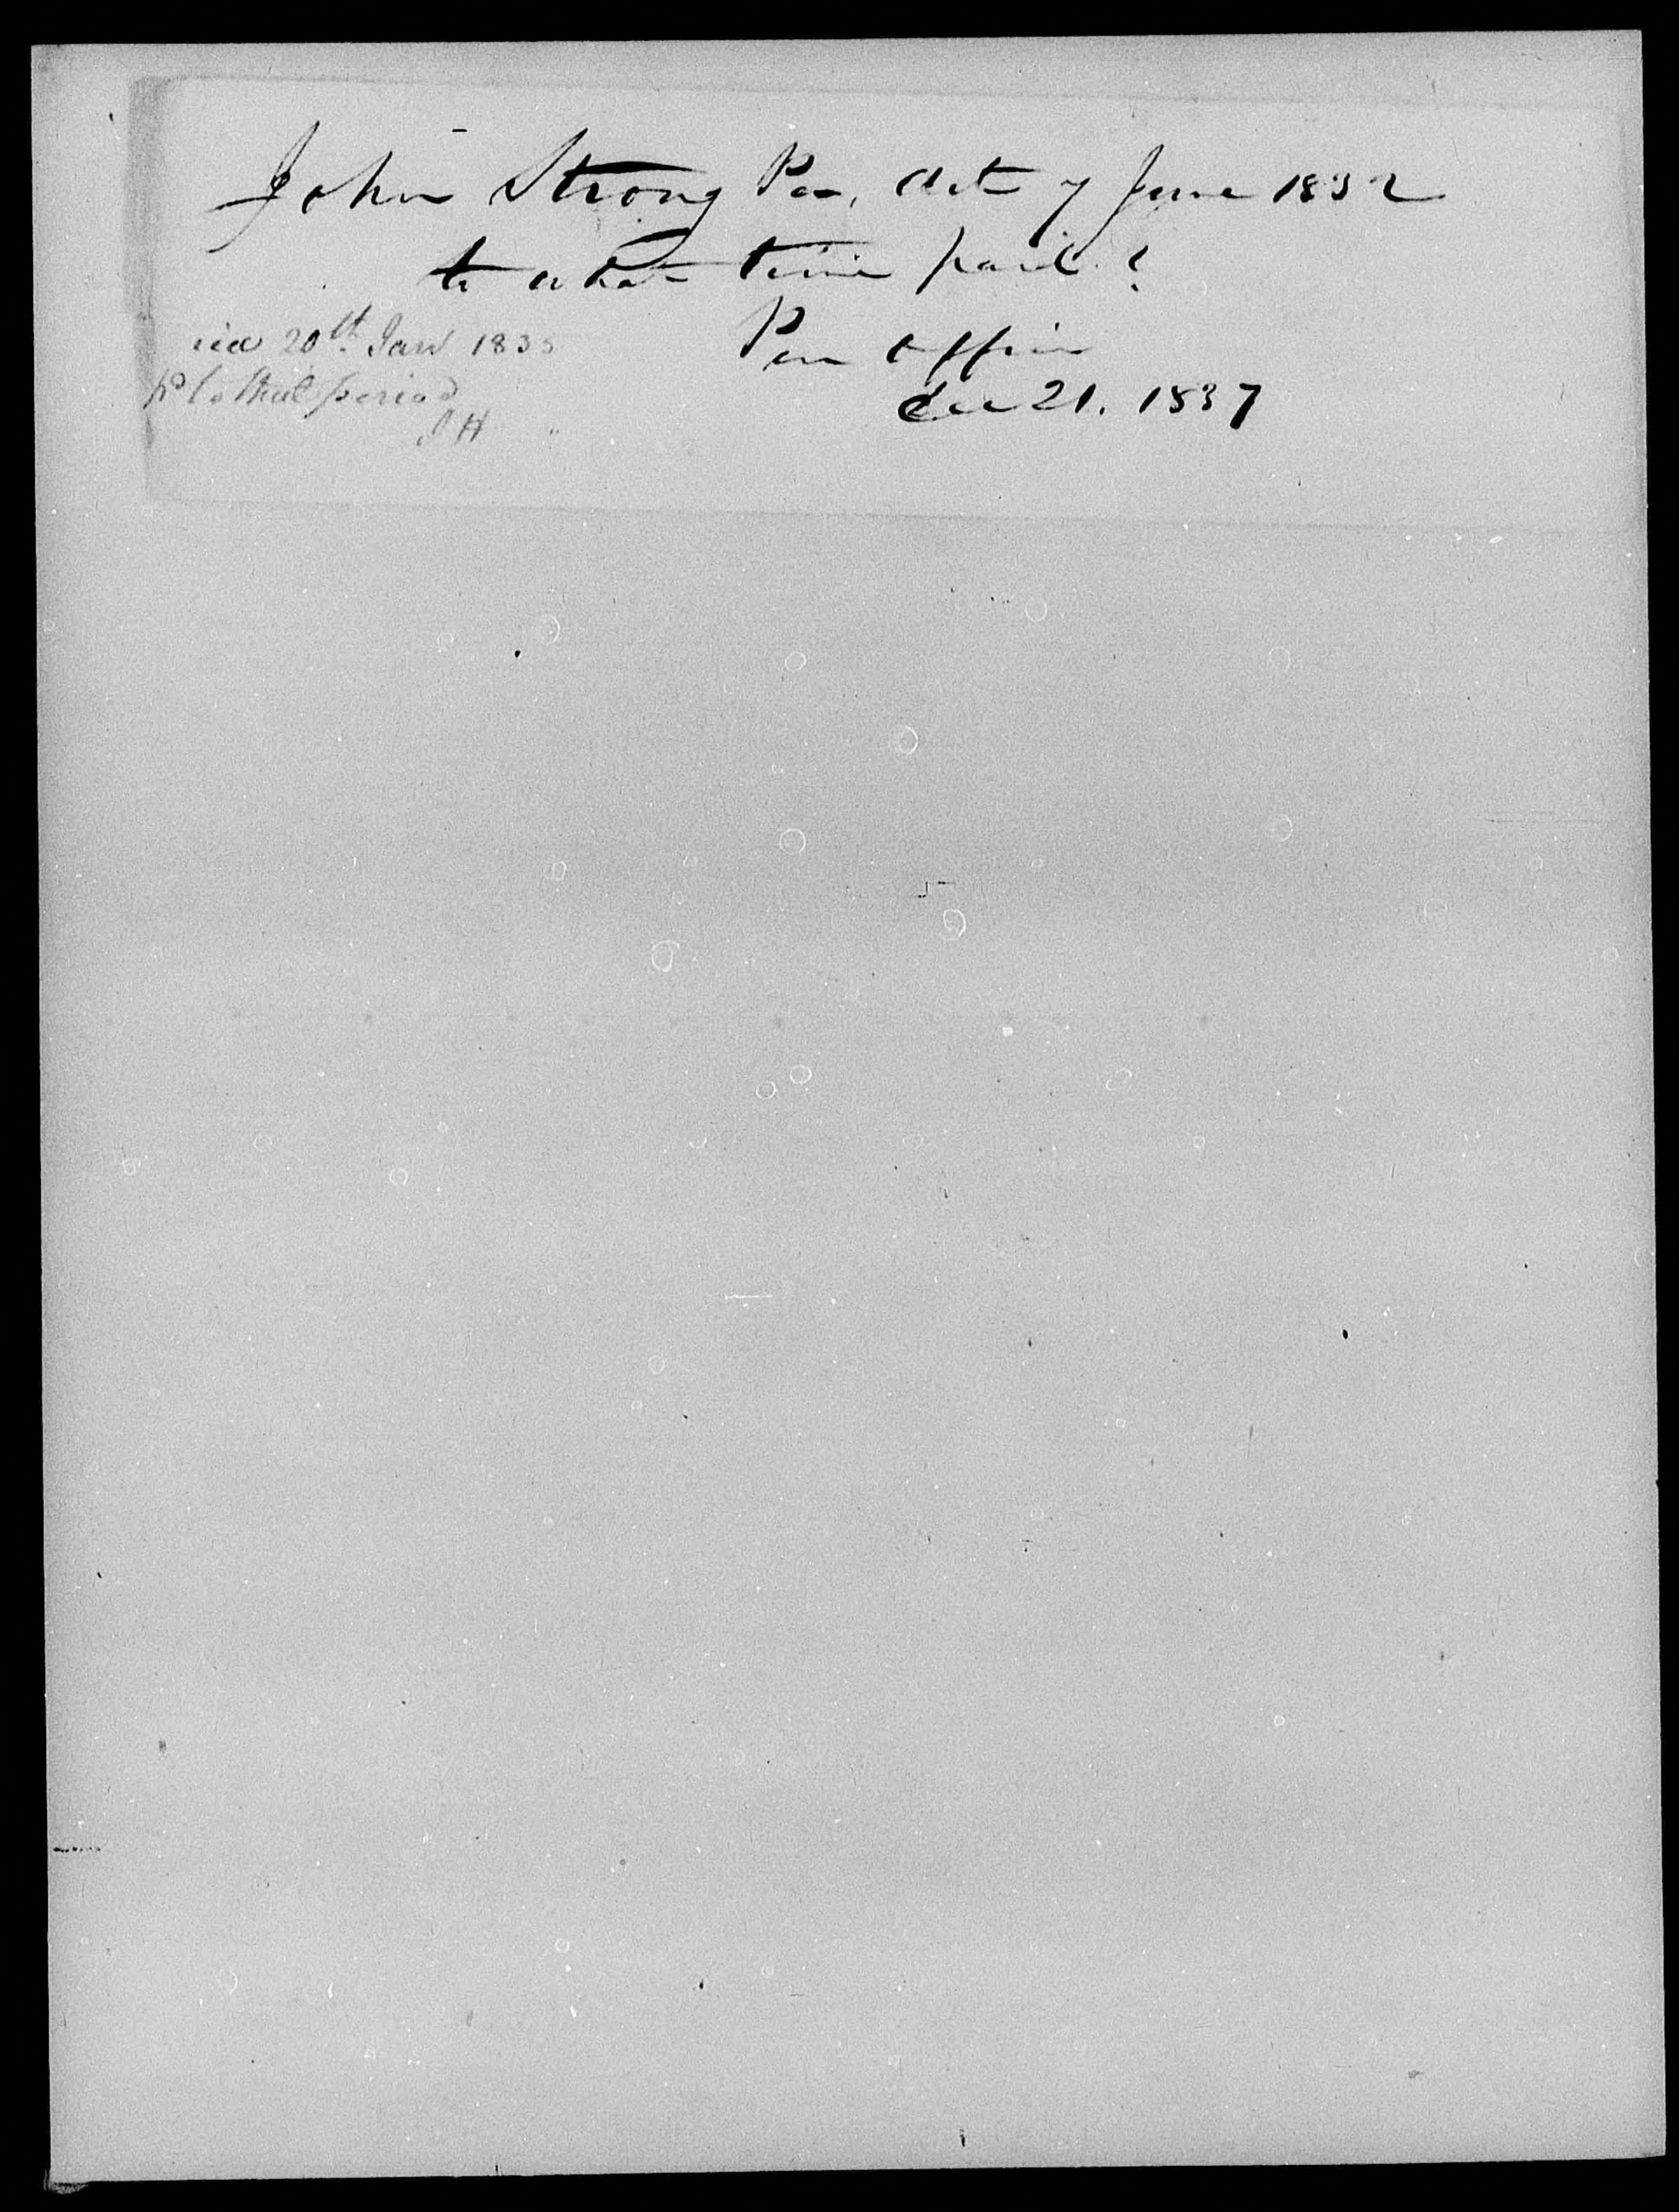John Strong Pen. Act 7 June 1832
to what time paid?

Pen office
Dec 21. 1837

Died 20th Jan 1833
pd to that period
JH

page: 20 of 33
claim: widow's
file: W. 4592, for John Strong, New York